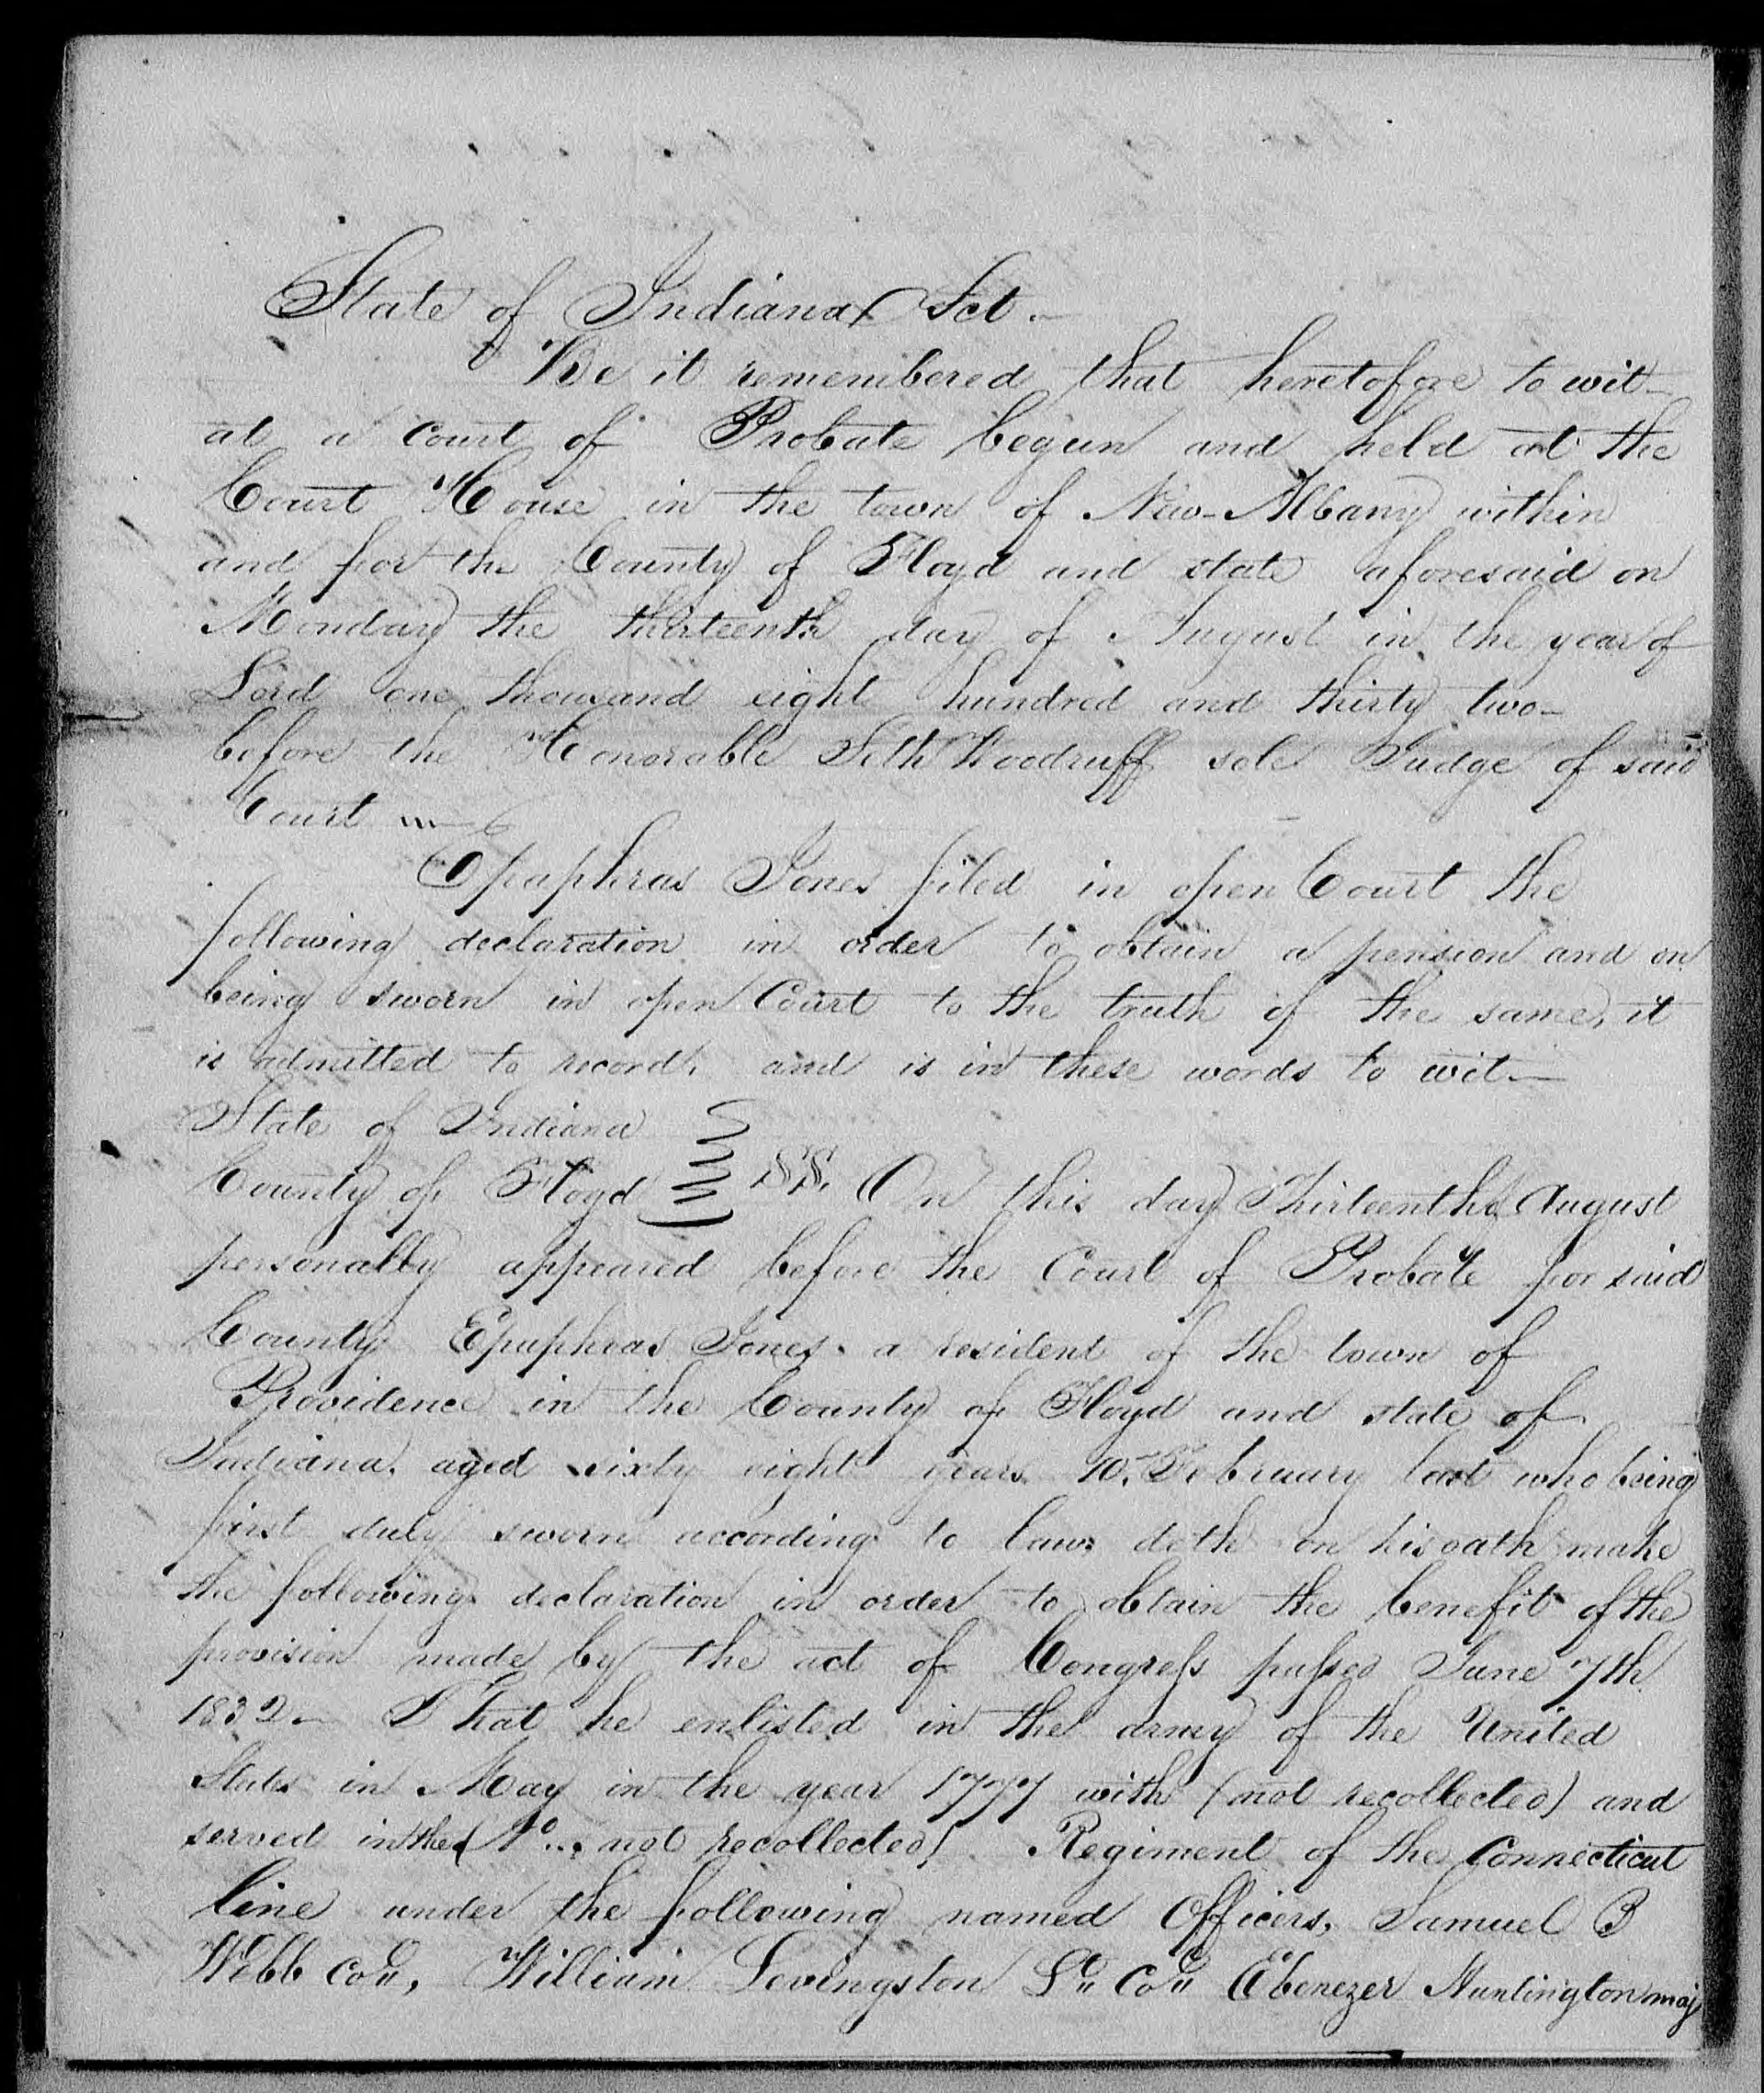State of Indiana   Sct.

     Be it remembered that heretofore to wit - at a court of Probate begun and held at the Court House in the town of New Albany within and for the County of Floyd and state aforesaid on Monday the thirteenth day of August in the year of Lord one thousand eight hundred and thirty two - before the Honorable Seth Woodruff sole Judge of said Court.
      Epaphras Jones filed in open Court the following declaration in order to obtain a pension and on being sworn in open Court to the truth of the same, it is admitted to record and is in these words to wit - 

State of Indiana}
County of Floyd} SS

On this day Thirteenth of  August personally appeared before the Court of Probate for said County Epaphras Jones, a resident of the town of Providence in the County of Floyd and state of Indiana, aged sixty eight years 10 February last who being first duly sworn according to law, doth on his oath make the following declaration in order to obtain the benefit of the provision made by the act of Congress passed June 7th 1832.  That he enlisted in the army of the United States in May in the year 1777 with (not recollected) and served in the ([    ] not recollected) Regiment of the Connecticut line under the following named Officers, Samuel B. Webb Col, William Levingston Lt Col,  Ebenezer Huntington maj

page: 6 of 17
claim: survivor's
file: S. 16889, for Epaphras Jones, Connecticut